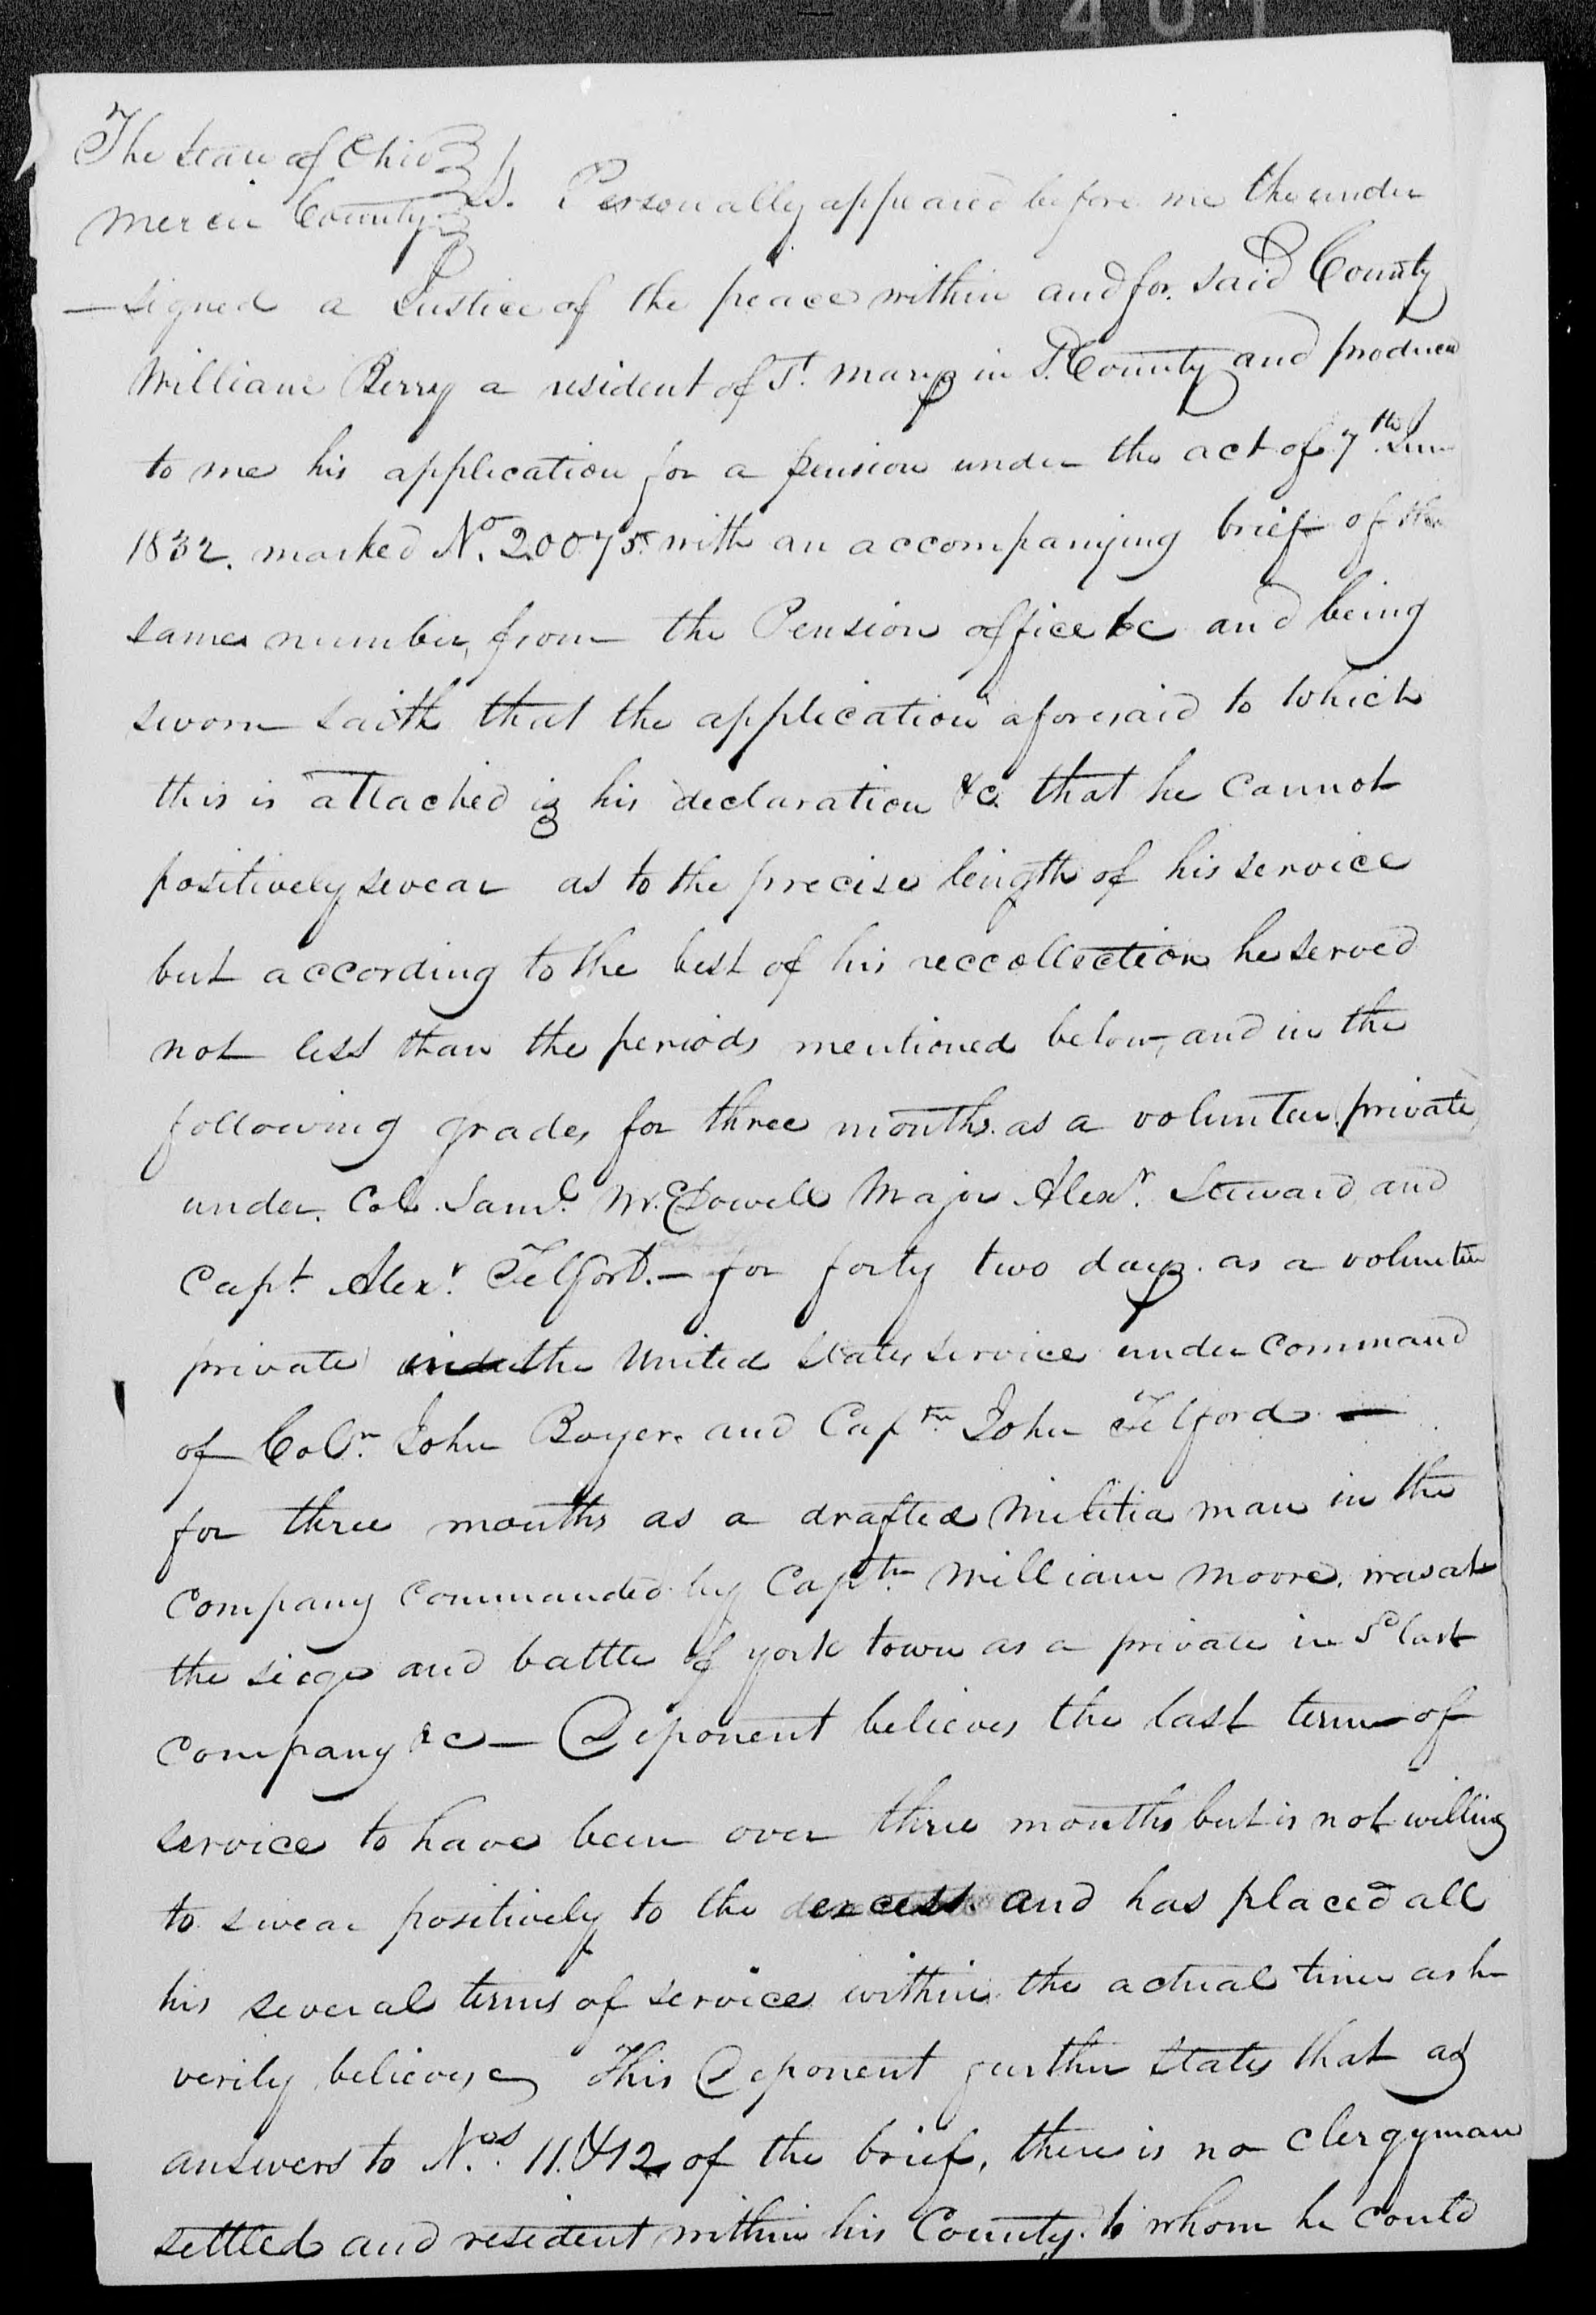The State of Ohio} 
Mercer County} SS. Personally appeared before me the undersigned a Justice of the peace within and for said County William Berry a resident of St. Mary’s in s’d. [said] County and produced to me his application for a pension under the act of 7th June 1832 marked No. 20075 with an accompanying brief of the same number from the Pension office &c and being sworn saith that the application aforesaid to which this is attached is his declaration &c. that he cannot positively swear as to the precise length of his service but according to the best of his reccollection ]recollection] he served not less than the periods mentioned below, and in the following grades for three months as a volunteer private under Col. Sam’l. [Samuel] McDowell Major Alex’r. [Alexander] Steward and Capt. Alex’r. [Alexander] Telford. – for forty two days as a volunteer private in the United States Service under command of Col’n. [Colonel] John Boyer and Cap’tn. [Captain] John Telford – for three months as a drafted militia man in the company commanded by Cap’tn. [Captain] William Moore. was at the siege and battle of york town [Yorktown] as a private in s’d [said] last company &c – Deponent believes the last term of service to have been over three months but is not willing to swear positively to the excess and has placed all his several terms of service within the actual time as he verily believes. This deponent further states that as answers to Nos. 11 & 12 of the brief, there is no clergyman settled and resident within his County to whom he could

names: William Moore, Alexr Telford, John Telford, William Berry, Saml Mc Dowell, Alexr Steward, John Boyer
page: 8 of 21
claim: survivor's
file: S. 2,371, William Berry, Va.